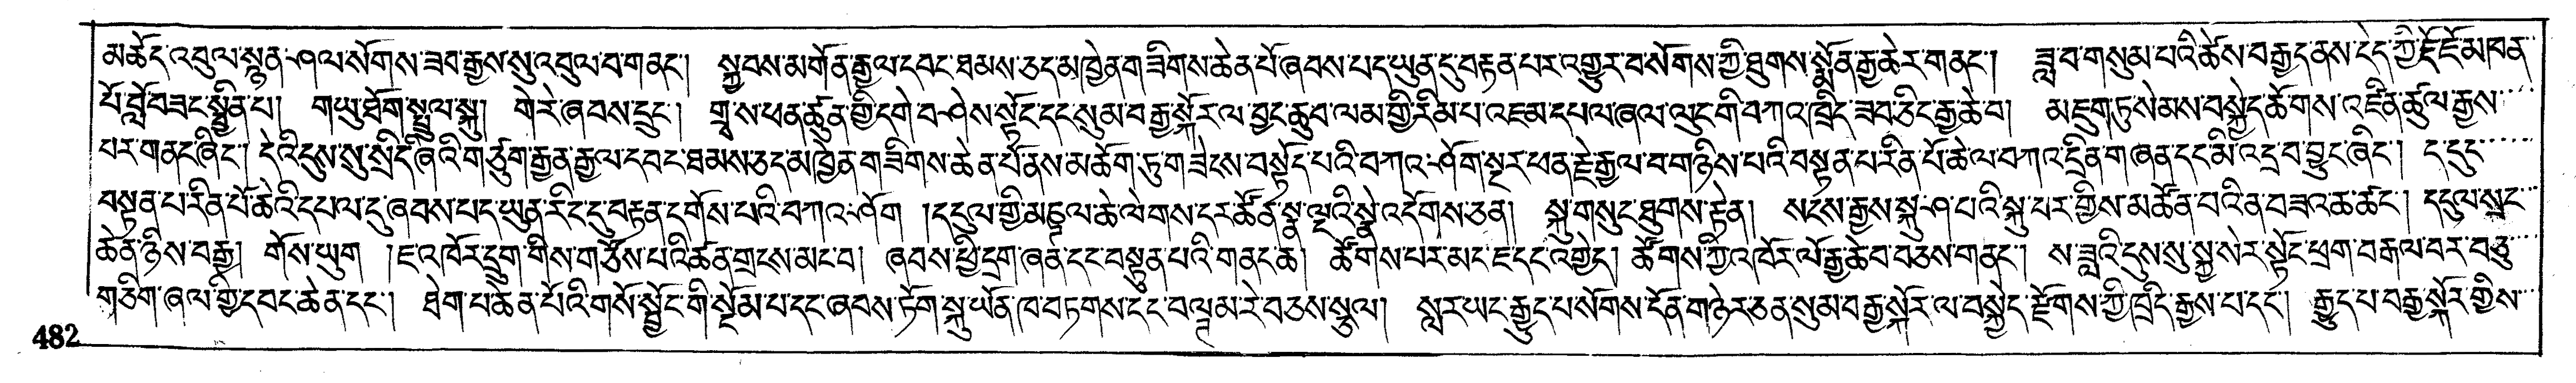མཆོད་འབུལ་སྙན་ཤལ་སོགས་ཟབ་རྒྱས་སུ་འབུལ་བ་གནང་། སྐྱབས་མགོན་རྒྱལ་དབང་ཐམས་ཅད་མཁྱེན་གཟིགས་ཆེན་པོ་ཞབས་པད་ཡུན་དུ་བརྟན་པར་འགྱུར་བ་སོགས་ཀྱི་ཐུགས་སྨོན་རྒྱ་ཆེར་གནང་། ཟླ་བ་གསུམ་པའི་ཚེས་བརྒྱད་ནས་ངེད་ཀྱི་ཇོ་ཇོ་མཁན་
པོ་བློ་བཟང་སྦྱིན་པ། གཡུ་ཐོག་སྤྲུལ་སྐུ། གེ་རེ་ཞབས་དྲུང་། གྲྭ་ས་ཕན་ཚུན་གྱི་དགེ་བཤེས་སྟོང་དང་སུམ་བརྒྱ་སྐོར་ལ་བྱང་ཆུབ་ལམ་གྱི་རིམ་པ་འཇམ་དཔལ་ཞལ་ལུང་གི་བཀའ་ཁྲིད་ཟབ་ཅིང་རྒྱ་ཆེ་བ། མཇུག་ཏུ་སེམས་བསྐྱེད་ཆོགས་འཛིན་ཚུལ་རྒྱས་
པར་གནང་ཞིང་། དེའི་དུས་སུ་སྲིད་ཞིའི་གཙུག་རྒྱན་རྒྱལ་དབང་ཐམས་ཅད་མཁྱེན་གཟིགས་ཆེན་པོ་ནས་མཆོག་ཏུ་གཟེངས་བསྟོད་པའི་བཀའ་ཤོག་སྔར་ཕན་རྗེ་རྒྱལ་བ་གཉིས་པའི་བསྟན་པ་རིན་པོ་ཆེ་ལ་བཀའ་དྲིན་གཞན་དང་མི་འདྲ་བ་བྱུང་ཞིང་། ད་དུང་
བསྟན་པ་རིན་པོ་ཆེའི་དཔལ་དུ་ཞབས་པད་ཡུན་རིང་དུ་བརྟན་དགོས་པའི་བཀའ་ཤོག །དངུལ་གྱི་མཎྜལ་ཆེ་ལེགས་དར་ཚོན་སྣ་ལྔའི་སྣེ་འདོགས་ཅན། སྐུ་གསུང་ཐུགས་རྟེན། སངས་རྒྱས་སྐུ་ཤ་མའི་སྐུ་བེར་གྱིས་མཚོན་པའི་ན་བཟའ་ཆ་ཚང་། དངུལ་སྲང་
ཆེན་ཉིས་བརྒྱ། གོས་ཡུག །ཇ་འཁོར་དྲུག་གིས་གཙོས་པའི་ཚན་གྲངས་མང་བ། ཞབས་ཕྱི་དྲག་ཞན་དང་བསྟུན་པའི་གནང་ཆ། ཚོགས་པར་མང་ཇ་དང་འགྱེད། ཚོགས་ཀྱི་འཁོར་ལོ་རྒྱ་ཆེ་བ་བཅས་གནང་། ས་ཟླའི་དུས་སུ་སྐྱ་སེར་སྟོང་ཕྲག་བརྒལ་བར་བཅུ་
གཅིག་ཞལ་གྱི་དབང་ཆེན་དང་། ཐེག་པ་ཆེན་པོའི་གསོ་སྦྱོང་གི་སྡོམ་པ་དང་ཞབས་ཏོག་སྐུ་ཡོན་ཁ་བཏགས་དང་བླྚམ་རེ་བཅས་སྩལ། སླར་ཡང་རྒྱུད་པ་སོགས་དོན་གཉེར་ཅན་སུམ་བརྒྱ་སྐོར་ལ་བསྐྱེད་རྫོགས་ཀྱི་ཁྲིད་རྒྱས་པ་དང་། རྒྱུད་པ་བརྒྱ་སྐོར་གྱིས་